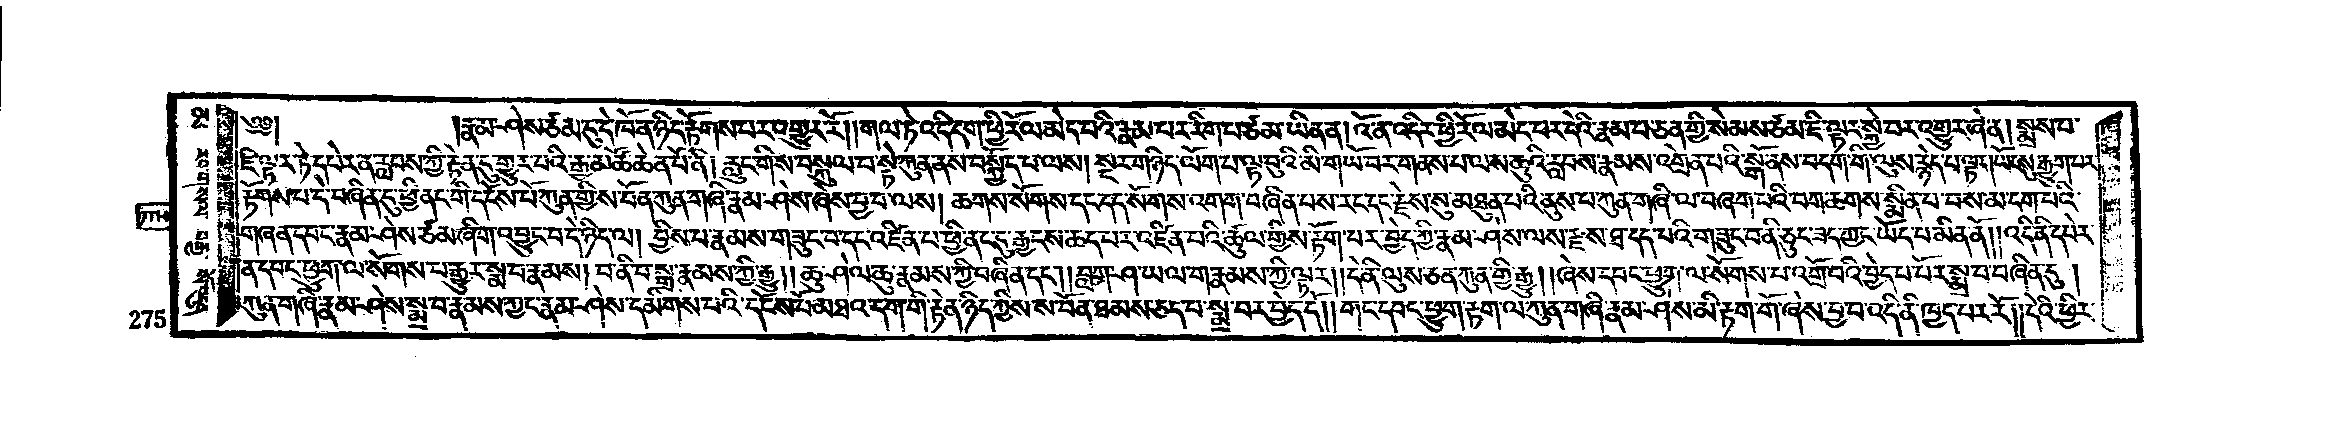༄༅། །རྣམ་ཤེས་ཙམ་དུ་དེ་ཁོ་ན་ཉིད་རྟོགས་པར་འགྱུར་རོ། །གལ་ཏེ་འདི་དག་ཕྱི་རོལ་མེད་པའི་རྣམ་པར་རིག་པ་ཙམ་ཡིན་ན། འོ་ན་འདིར་ཕྱི་རོལ་མེད་པར་དེའི་རྣམ་པ་ཅན་གྱི་སེམས་ཙམ་ཇི་ལྟར་སྐྱེ་བར་འགྱུར་ཞེ་ན། སྨྲས་པ་
ཇི་ལྟར་ཏེ་དཔེར་ན་རླབས་ཀྱི་རྟེན་དུ་གྱུར་པའི་རྒྱ་མཚོ་ཆེན་པོ་ནི། རླུང་གིས་བསྐུལ་བ་སྟེ་ཀུན་ནས་བསྐྱོད་པ་ལས། སྔར་གཉིད་ལོག་པ་ལྟ་བུའི་མི་གཡོ་བར་གནས་པ་ལས་ཆུའི་རླབས་རྣམས་འགྲེན་པའི་སྒོ་ནས་བདག་གི་ལུས་རྙེད་པ་ལྟར། ཡོངས་སུ་རྒྱུག་པར་
རྟོགས་པ་དེ་བཞིན་དུ་ཕྱི་ནང་གི་དངོས་པོ་ཀུན་གྱི་ས་བོན་ཀུན་གཞི་རྣམ་ཤེས་ཞེས་བྱ་བ་ལས། ཆགས་སོགས་དང་དད་སོགས་འགག་བཞིན་པས་རང་དང་རྗེས་སུ་མཐུན་པའི་ནུས་པ་ཀུན་གཞི་ལ་བཞག་པའི་བག་ཆགས་སྨིན་པ་བས་མ་དག་པའི་
གཞན་དབང་རྣམ་ཤེས་ཙམ་ཞིག་འབྱུང་བ་དེ་ཉིད་ལ། བྱིས་པ་རྣམས་གཟུང་བ་དང་འཛིན་པ་ཕྱི་ནང་དུ་རྒྱངས་ཆད་པར་འཛིན་པའི་ཚུལ་གྱིས་རྟོག་པར་བྱེད་ཀྱི་རྣམ་ཤེས་ལས་རྫས་ཐ་དད་པའི་གཟུང་བ་ནི་ཅུང་ཟད་ཀྱང་ཡོད་པ་མིན་ནོ། །འདི་ནི་དཔེར་
ན་དབང་ཕྱུག་ལ་སོགས་པ་རྒྱུར་སྨྲ་པ་རྣམས། བ་ནི་བ་སྒྲ་རྣམས་ཀྱི་རྒྱུ། །ཆུ་ཤེལ་ཆུ་རྣམས་ཀྱི་བཞིན་དང་། །བླག་ཤ་ཡལ་ག་རྣམས་ཀྱི་ལྟར། །དེ་ནི་ལུས་ཅན་ཀུན་གྱི་རྒྱུ། །ཞེས་དབང་ཕྱུག་ལ་སོགས་པ་འགྲོ་བའི་བྱེད་པ་པོར་སྨྲ་བ་བཞིན་དུ།
ཀུན་གཞི་རྣམ་ཤེས་སྨྲ་བ་རྣམས་ཀྱང་རྣམ་ཤེས་དམིགས་པའི་དངོས་པོ་མཐའ་དག་གི་རྟེན་ཉིད་ཀྱིས་ས་བོན་ཐམས་ཅད་པ་སྨྲ་བར་བྱེད་དོ། །གང་དབང་ཕྱུག་རྟག་ལ་ཀུན་གཞི་རྣམ་ཤེས་མི་རྟག་གོ་ཞེས་བྱ་བ་འདི་ནི་ཁྱད་པར་རོ། །དེའི་ཕྱིར་